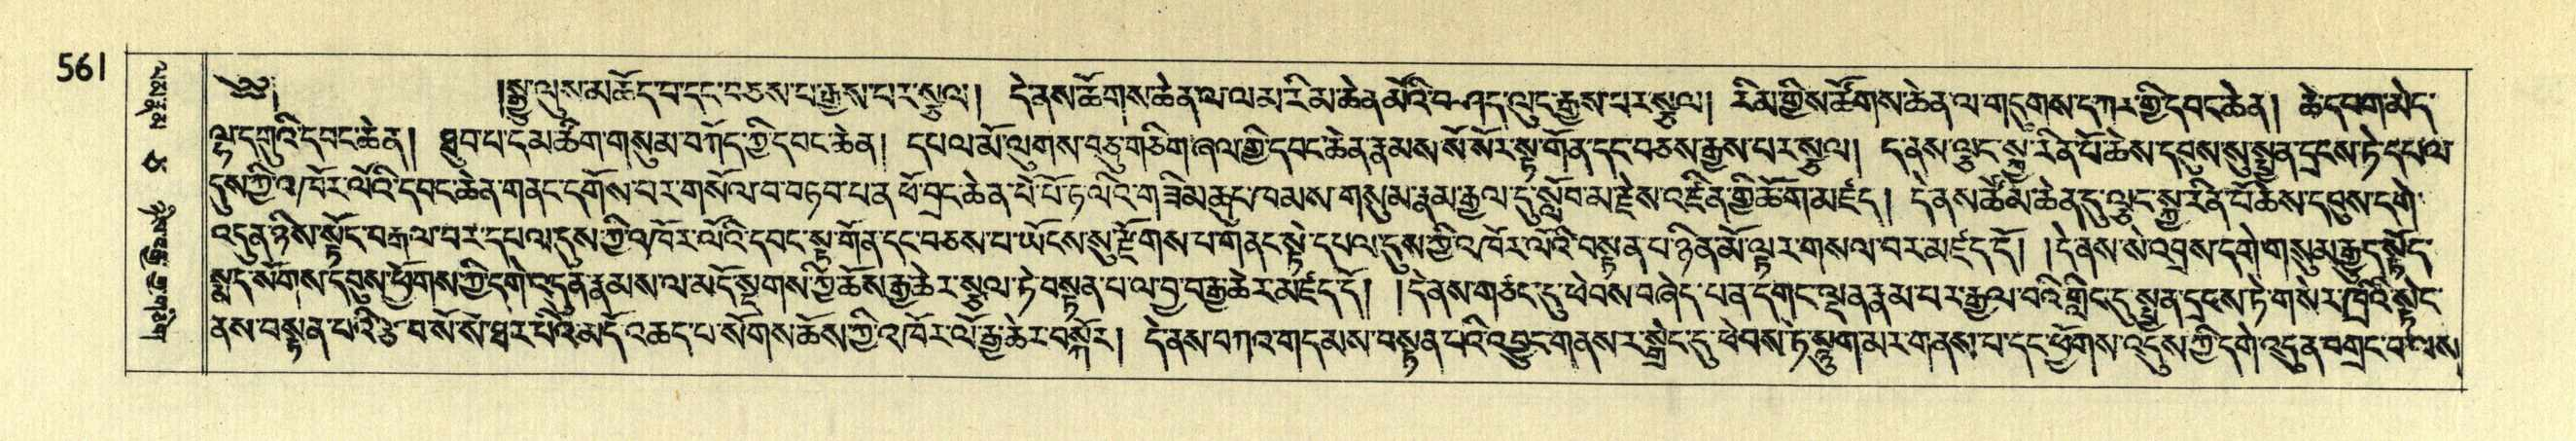༄༅། །སྒྱུ་ལུས་མཆོད་བ་དང་བཅས་པ་རྒྱས་པར་སྩལ། དེ་ནས་ཆོགས་ཆེན་ལ་ལམ་རིམ་ཆེན་མོའི་བཤད་ལུང་རྒྱས་པར་སྩལ། རིམ་གྱིས་ཚོགས་ཆེན་ལ་གདུགས་དཀར་གྱི་དབང་ཆེན། ཚེ་དཔག་མེད་
ལྷ་དགུའི་དབང་ཆེན། ཐུབ་པ་དམ་ཚིག་གསུམ་བཀོད་ཀྱི་དབང་ཆེན། དཔལ་མོ་ལུགས་བཅུ་གཅིག་ཞལ་གྱི་དབང་ཆེན་རྣམས་སོ་སོར་སྟ་གོན་དང་བཅས་རྒྱས་པར་སྩལ། ད་ནས་ལྕང་སྐྱ་རིན་པོ་ཆེས་དབུས་སུ་སྤྱན་དྲངས་ཏེ་དཔལ་
དུས་ཀྱི་འཁོར་ལོའི་དབང་ཆེན་གནང་དགོས་བར་གསོལ་བ་བཏབ་པ་ན་ཕོ་བྲང་ཆེན་པོ་པོ་ཏ་ལའི་གཟིམ་ཆུང་ཁམས་གསུམ་རྣམ་རྒྱལ་དུ་སློབ་མ་རྗེས་འཛིན་གྱི་ཆོ་ག་མཛད། དེ་ནས་ཚོམ་ཆེན་དུ་ལྕང་སྐྱ་རིན་པོ་ཆེས་དབུས་དགེ་
འདུན་ཉིས་སྟོང་བརྒལ་བར་དཔལ་དུས་ཀྱི་འཁོར་ལོའི་དབང་སྟ་གོན་དང་བཅས་པ་ཡོངས་སུ་རྫོགས་པ་གནང་སྟེ་དཔལ་དུས་ཀྱི་འཁོར་ལོའི་བསྟན་པ་ཉིན་མོ་ལྟར་གསལ་བར་མཛད་དོ། །དེ་ནས་སེ་འབྲས་དགེ་གསུམ་རྒྱུད་སྟོད་
སྨད་སོགས་དབུས་ཕྱོགས་ཀྱི་དགེ་འདུན་རྣམས་ལ་མདོ་སྔགས་ཀྱི་ཆོས་རྒྱ་ཆེར་སྩལ་ཏེ་བསྟན་པ་ལ་བྱ་བ་རྒྱ་ཆེར་མཛད་དོ། །དེ་ནས་གཙང་དུ་ཕེབས་བཞེད་པ་ན་དགང་ལྡན་རྣམ་པར་རྒྱལ་བའི་གླིང་དུ་སྤྱན་དྲངས་ཏེ་གསེར་ཁྲིའི་སྟེང་
ནས་བསྟན་པའི་རྩ་བ་སོ་སོ་ཐར་པའི་མདོ་འཆད་པ་སོགས་ཆོས་ཀྱི་འཁོར་ལོ་རྒྱ་ཆེར་བསྐོར། དེ་ནས་བཀའ་གདམས་བསྟན་པའི་འབྱུང་གནས་ར་སྒྲེང་དུ་ཕེབས་ཏེ་སྙུག་མར་གནས་པ་དང་ཕྱོགས་འདུས་ཀྱི་དགེ་འདུན་བགྲང་བ་ལས་